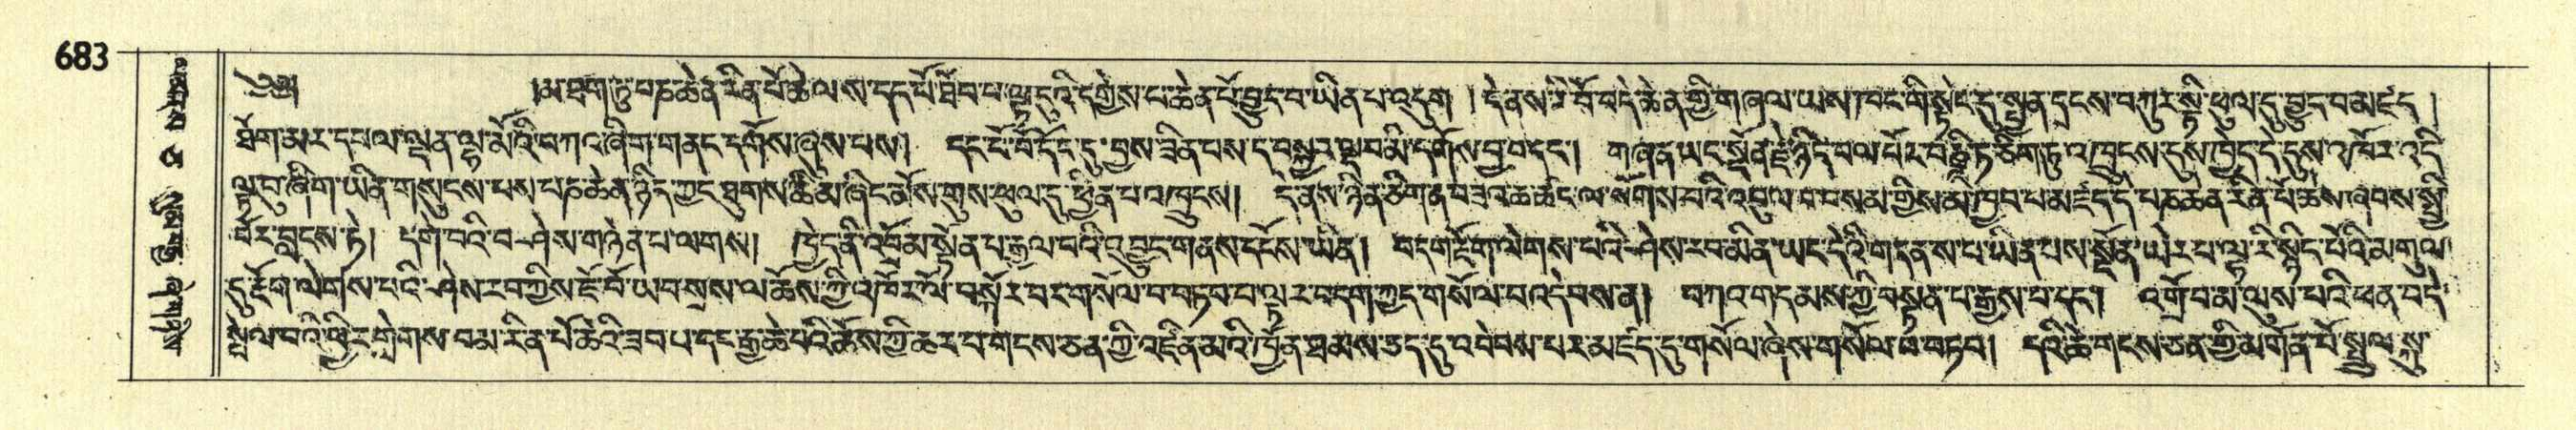༄༅། །མ་ཐག་ཏུ་པཎ་ཆེན་རིན་པོ་ཆེ་ལས་དང་པ་ཐོབ་པ་ལྟ་དུའི་དགྱེས་པ་ཆེན་པོ་བྱུང་བ་ཡིན་པ་འདུག། དེ་ནས་རི་བོ་བདེ་ཆེན་གྱི་གཞལ་ཡས་ཁང་གི་སྟེང་དུ་སྤྱན་དྲངས་བཀུར་སྟི་ཕུལ་དུ་བྱུང་བ་མཛད།
ཐོག་མར་དཔལ་ལྡན་ལྷ་མོའི་བཀའ་ཞིག་གནང་དགོས་ཞུས་པས། དང་པོ་བོ་དོང་དུ་བྱས་ཟིན་པས་ད་བསྐྱར་ལྡབ་མི་དགོས་བྱ་བ་དང་། གཞན་ཡང་སྔོན་རྗེ་ཉིད་པ་ལ་པོར་པཎྜི་ཏ་ཅིག་ཏུ་འཁྲུངས་དུས་ཁྱེད་དེ་དུས་འཁོར་འདི་
ལྟ་བུ་ཞིག་ཡིན་གསུངས་པས་པཎ་ཆེན་ཉིད་ཀྱང་ཐུགས་ཚིམ་ཞིང་མོས་གུས་ཕུལ་དུ་ཕྱིན་པ་འཁྲུངས། དེ་ནས་ཉིན་ཅིག་ན་བཟའ་ཆ་ཚང་ལ་སོགས་པའི་འབུལ་བ་བསམ་གྱིས་མི་ཁྱབ་པ་མཛད་དེ་པཎ་ཆེན་རིན་པོ་ཆེས་ཞབས་སྤྱི་
པོར་བླངས་ཏེ། དགེ་བའི་བཤེས་གཉེན་པ་ལགས། ཁྱེད་ནི་འབྲོམ་སྟོན་པ་རྒྱལ་བའི་འབྱུང་གནས་དངོས་ཡིན། བདག་རྡོག་ལེགས་པའི་ཤེས་རབ་མིན་ཡང་དེའི་གདན་ས་པ་ཡིན་པས་སྔོན་ཡེར་པ་ལྷ་རི་སྙིང་པོའི་མགུལ་
དུ་རྡོག་ལེགས་པའི་ཤེས་རབ་ཀྱིས་ཇོ་བོ་ཡབ་སྲས་ལ་ཆོས་ཀྱི་འཁོར་ལོ་བསྐོར་བར་གསོལ་བ་བཏབ་པ་ལྟར་བདག་ཀྱང་གསོལ་བ་འདེབས་ན། བཀའ་གདམས་ཀྱི་བསྟན་པ་རྒྱས་པ་དང་། འགྲོ་བ་མ་ལུས་པའི་ཕན་བདེ་
སྤེལ་བའི་ཕྱིར་གླེགས་བམ་རིན་པོ་ཆེའི་ཟབ་པ་དང་རྒྱ་ཆེ་བའི་ཆོས་ཀྱི་ཆར་བ་གངས་ཅན་ཀྱི་འཛིན་མའི་ཁྱོན་ཐམས་ཅད་དུ་འབེབས་པར་མཛད་དུ་གསོལ་ཞེས་གསོལ་བ་བཏབ། དའི་ཆེ་གངས་ཅན་གྱི་མགོན་པོ་སྤྲུལ་སྐུ་